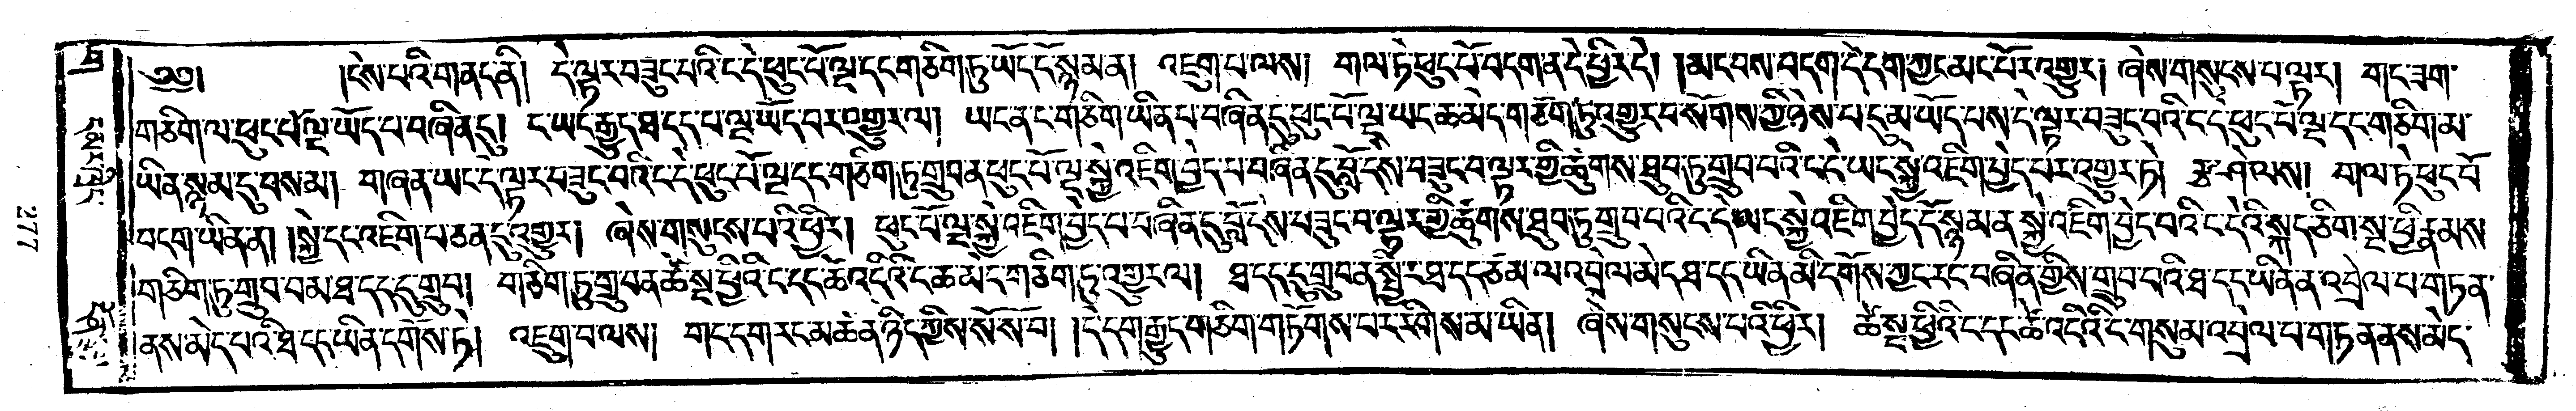༄༅། །ངེས་པའི་གནད་ནི། དེ་ལྟར་བཟུང་པའི་ང་དེ་ཕུང་པོ་ལྔ་དང་གཅིག་ཏུ་ཡོད་དོ་སྙམ་ན། འཇུག་པ་ལས། གལ་ཏེ་ཕུང་པོ་བདག་ན་དེ་ཕྱིར་དེ། །མང་བས་བདག་དེ་དག་ཀྱང་མང་པོར་འགྱུར༑ ཞེས་གསུངས་པ་ལྟར། གང་ཟག་
གཅིག་ལ་ཕུང་པོ་ལྔ་ཡོད་པ་བཞིན་དུ། ང་ཡང་རྒྱུད་ཐ་དད་པ་ལྔ་ཡོད་བར་འགྱུར་ལ། ཡང་ན་ང་གཅིག་ཡིན་པ་བཞིན་དུ་ཕུང་པོ་ལྔ་ཡང་ཆ་མེད་གཅིག་ཏུ་འགྱུར་བ་སོགས་ཀྱི་ཉེས་པ་དུ་མ་ཡོད་པས་དེ་ལྟར་བཟུང་བའི་ང་དེ་ཕུང་པོ་ལྔ་དང་གཅིག་མ་
ཡིན་སྙམ་དུ་བསམ། གཞན་ཡང་དེ་ལྟར་བཟུང་བའི་ང་དེ་ཕུང་པོ་ལྔ་དང་གཅིག་ཏུ་གྲུབ་ན་ཕུང་པོ་ལྔ་སྐྱེ་འཇིག་བྱེད་པ་བཞིན་དུ་བློ་དེས་བཟུང་བ་ལྟར་གྱི་ཚུགས་ཐུབ་ཏུ་གྲུབ་པའི་ང་དེ་ཡང་སྐྱེ་འཇིག་བྱེད་པར་འགྱུར་ཏེ། རྩ་ཤེ་ལས། གལ་ཏེ་ཕུང་པོ་
བདག་ཡིན་ན། །སྐྱེ་དང་འཇིག་པ་ཅན་དུ་འགྱུར། ཞེས་གསུངས་པའི་ཕྱིར། ཕུང་པོ་ལྔ་སྐྱེ་འཇིག་བྱེད་པ་བཞིན་དུ་བློ་དེས་བཟུང་བ་ལྟར་གྱི་ཚུགས་ཐུབ་ཏུ་གྲུབ་པའི་ང་དེ་ཡང་སྐྱེ་འཇིག་བྱེད་དོ་སྙམ་ན་སྐྱེ་འཇིག་བྱེད་བའི་ང་དེའི་སྐད་ཅིག་སྔ་ཕྱི་རྣམས་
གཅིག་ཏུ་གྲུབ་བམ་ཐ་དད་དུ་གྲུབ། གཅིག་ཏུ་གྲུབ་ན་ཚེ་སྔ་ཕྱིའི་ང་དང་ཚེ་འདིའི་ང་ཆ་མེད་གཅིག་ཏུ་འགྱུར་ལ། ཐ་དད་དུ་གྲུབ་ན་སྤྱིར་ཐ་དད་ཙམ་ལ་འབྲེལ་མེད་ཐ་དད་ཡིན་མི་དགོས་ཀྱང་རང་བཞིན་གྱིས་གྲུབ་བའི་ཐ་དད་ཡིན་ན་འབྲེལ་པ་གཏན་
ནས་མེད་པའི་ཐ་དད་ཡིན་དགོས་ཏེ། འཇུག་བ་ལས། གང་དག་རང་མཚན་ཉིད་ཀྱིས་སོ་སོ་བ། །དེ་དག་རྒྱུད་གཅིག་གཏོགས་པར་རིགས་མ་ཡིན། ཞེས་གསུངས་པའི་ཕྱིར། ཚེ་སྔ་ཕྱིའི་ང་དང་ཚེ་འདིའི་ང་གསུམ་འབྲེལ་པ་གཏན་ནས་མེད་